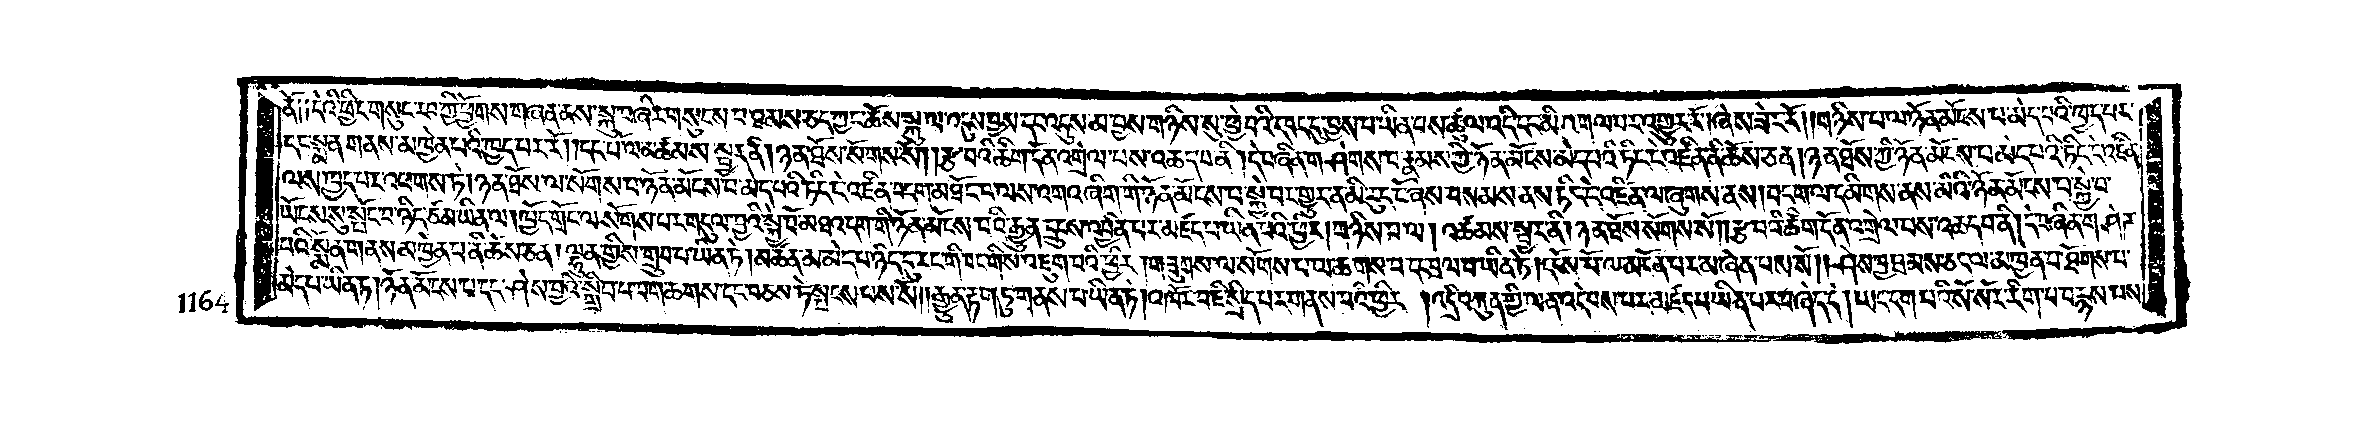ནོ། །དེའི་ཕྱིར་གསུང་རབ་ཀྱི་ཕྱོགས་གཞན་ནས་སྐུ་བཞིར་གསུངས་པ་ཐམས་ཅད་ཀྱང་ཆོས་སྐུ་ལ་འདུས་བྱས་དང་འདུས་མ་བྱས་གཉིས་སུ་ཕྱེ་བའི་དབང་དུ་བྱས་པ་ཡིན་པས་ཚུལ་འདི་དང་མི་འགལ་བར་འགྱུར་རོ། ཞེས་ཟེར་རོ། །གཉིས་པ་ལ་ཉོན་མོངས་པ་མེད་པའི་ཁྱད་པར་
དང་སྨན་གནས་མཁྱེན་པའི་ཁྱད་པར་རོ། །དང་པོ་ལ་མཚམས་སྦྱར་ནི། ཉན་ཐོས་སོགས་སོ། །རྩ་བའི་ཚིག་དོན་འགྲེལ་པས་འཆད་པ་ནི། དེ་བཞིན་གཤེགས་པ་རྣམས་ཀྱི་ཉོན་མོངས་མེད་པའི་ཏིང་ངེ་འཛིན་ནི་ཆོས་ཅན། ཉན་ཐོས་ཀྱི་ཉོན་མོངས་པ་མེད་པའི་ཏིང་ངེ་འཛིན་
ལས་ཁྱད་པར་འཕགས་ཏེ། ཉན་ཐོས་ལ་སོགས་པ་ཉོན་མོངས་པ་མེད་པའི་ཏིང་ངེ་འཛིན་བདག་མཐོང་བ་ལས་འགའ་ཞིག་གི་ཉོན་མོངས་པ་སྐྱེ་བར་གྱུར་ན་མི་རུང་ངོ་ཞེས་བསམས་ནས་ཏིང་ངེ་འཛིན་ལ་ཞུགས་ནས། བདག་ལ་དམིགས་ནས་མིའི་ཉོན་མོངས་པ་སྐྱེ་བ་
ཡོངས་སུ་སྤོང་བ་ཉིད་ཙམ་ཡིན་ལ། ཁྱོད་གྲོང་ལ་སོགས་པར་གདུལ་བྱའི་སྐྱེ་བོ་མཐའ་དག་གི་ཉོན་མོངས་པའི་རྒྱུན་དྲུངས་འབྱིན་པར་མཛད་པ་ཡིན་པའི་ཕྱིར། གཉིས་པ་ལ། འཚམས་སྦྱར་ནི། ཉན་ཐོས་སོགས་སོ། །རྩ་བའི་ཚིག་དོན་འགྲེལ་པས་འཆད་པ་ནི། དེ་བཞིན་གཤེགས་
པའི་སྨོན་གནས་མཁྱེན་པ་ནི་ཆོས་ཅན། ལྷུན་གྱིས་གྲུབ་པ་ཡིན་ཏེ། མཚོན་མ་མེད་པ་ཉིད་དུ་རང་གི་རང་གིས་འཇུག་པའི་ཕྱིར། གཟུགས་ལ་སོགས་པ་ལ་ཆགས་པ་དང་བྲལ་བ་ཡིན་ཏེ། དངོས་པོ་ལ་མངོན་པར་མ་ཞེན་པས་སོ། །ཤེས་བྱ་ཐམས་ཅད་ལ་མཁྱེན་པ་ཐོགས་པ་
མེད་པ་ཡིན་ཏེ། ཉོན་མོངས་པ་དང་ཤེས་བྱའི་སྒྲིབ་པ་བག་ཆགས་དང་བཅས་ཏེ་སྤངས་པས་སོ། །རྒྱུན་རྟག་ཏུ་གནས་པ་ཡིན་ཏེ། འཁོར་བ་ཇི་སྲིད་པར་གནས་པའི་ཕྱིར། འདྲི་བ་ཀུན་གྱི་ལན་འདེབས་པར་མཛད་པ་ཡིན་པར་བཞེད་དེ། ཡང་དག་པའི་སོ་སོར་རིག་པ་བརྙས་པས་